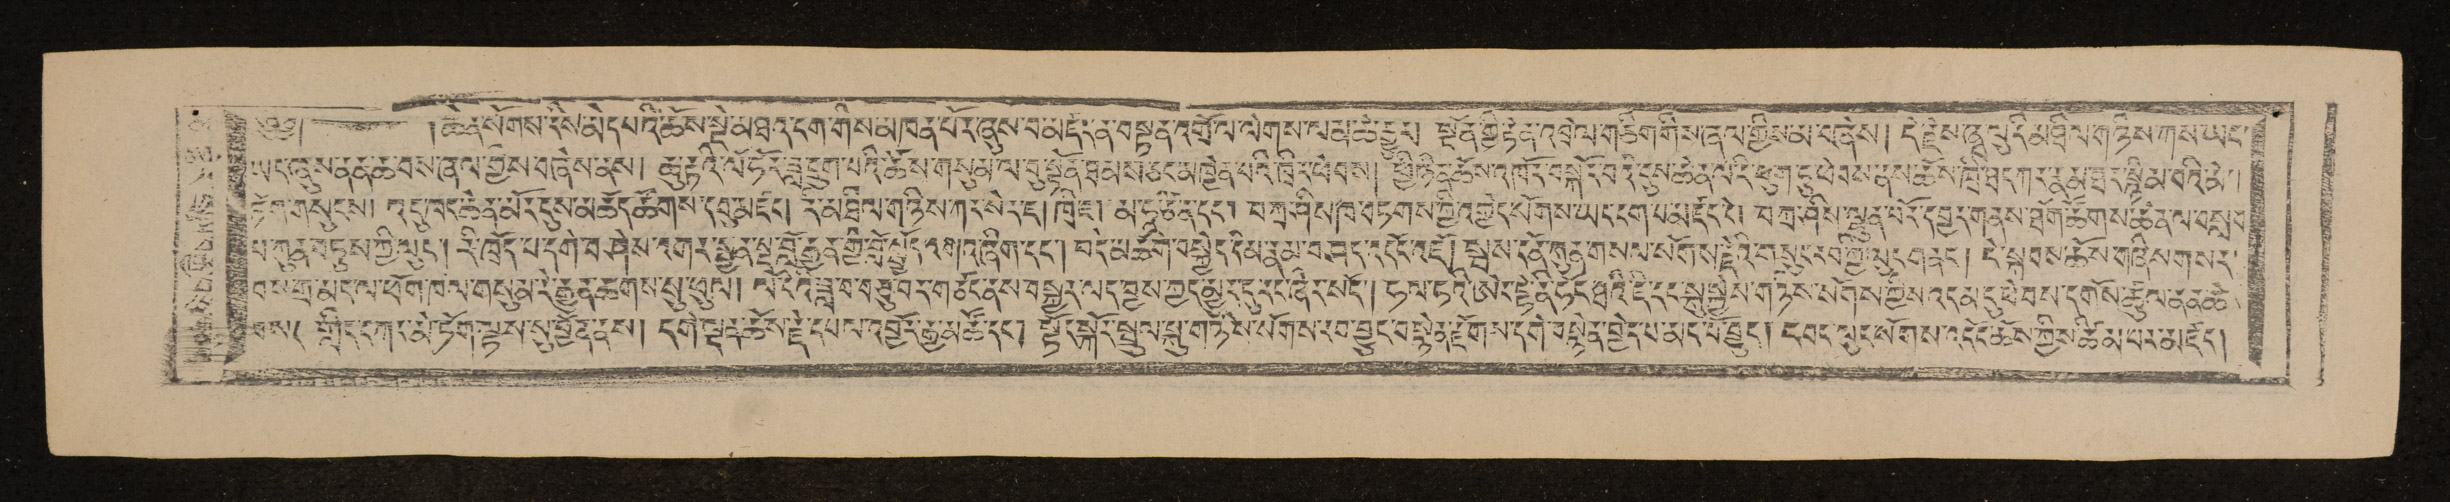༄༅། །ཆེན་སོགས་རིས་མེད་པའི་ཆོས་སྡེ་མཐའ་དག་གིས་མཁན་པོར་ཞུས་པ་མཛད་ན་བསྟན་འགྲོ་ལ་ལེགས་ལམ་ཆེ་རྒྱུར། སྔོན་གྱི་རྟེན་འབྲེལ་གཅིག་གིས་ཞལ་གྱིས་མ་བཞེས། དེ་རྗེས་ཞྭ་ལུ་རིམ་ཐིལ་གཉིས་ཀས་ཡང་
ཡང་ཞུས་ནན་ཆབས་ཞལ་གྱིས་བཞེས་ནས། ཆུ་རྟའི་ལོ་ཧོར་ཟླ་དྲུག་པའི་ཚེས་གསུམ་ལ་བུ་སྟོན་ཐམས་ཅད་མཁྱེན་པའི་ཁྲིར་ཕེབས། ཕྱི་ཉིན་ཆོས་འཁོར་བསྐོར་བའི་དུས་ཆེན་ལ་རི་ཕུག་ཏུ་ཕེབས་ནས་ཆོས་ཁྲི་ཐང་ཀར་རྣམ་ཐར་སྙིམ་པའི་མེ་
ཏོག་གསུངས། འདུ་ཁང་ཆེན་མོར་དུས་མཆོད་ཚོགས་དབུ་མཛད། རི་མཐིལ་གཉིས་ཀར་སེར་ཇ། ཁྲི་ཇ། མ་ཧཱ་ཙི་ན་དང་། བཀྲ་ཤིས་ཁ་བཏགས་ཀྱི་འགྱེད་སོགས་ཡང་དག་པ་མཛད་དེ། བཀྲ་ཤིས་ལྷུན་པོར་དབྱར་གནས་ཐོག་ཚོགས་ཆེན་ལ་བསླབ་
པ་ཀུན་བཏུས་ཀྱི་ལུང་། རི་ཁྲོད་པ་དགེ་བཤེས་འགར་སྤྱན་སྔ་བློ་རྒྱན་གྱི་བློ་སྦྱོང་འགའ་ཞིག་དང་། བདེ་མཆོག་བསྐྱེད་རིམ་རྣམ་བཤད་འདོད་འཇོ། སྦས་དོན་ཀུན་གསལ་སོགས་རྗེའི་གསུང་རབ་ཀྱི་ལུང་གནང་། དེ་སྐབས་ཆོས་གཞིས་གསར་
བས་གྲ་མང་ལ་ཕོག་ཁལ་གསུམ་རེ་རྒྱུན་ཆགས་སུ་ཕུལ། ལོ་དེའི་ཟླ་བ་བཅུ་པར་གཙང་ནས་བསྐྱར་ལང་བྱས་ཀྱང་མྱུར་དུ་རང་ཞིར་སོང་། ཧལ་ཧའི་ཨེར་དྷེ་ནི་ཧོང་ཐའི་ཇི་དང་སྐུ་སྐྱེས་གཉིས་སོགས་ཀྱིས་འདམ་དུ་ཕེབས་དགོས་ཚུལ་ནན་ཚེ་
བས༑ གླིང་དཀར་མེ་ཏོག་ལྷས་སུ་བྱོན་ནས། དགེ་ལྡན་ཆོས་རྗེ་དཔལ་འབྱོར་རྒྱ་མཚོ་དང་། སྟོང་སྐོར་སྤྲུལ་སྐུ་གཉིས་སོགས་རབ་བྱུང་བསྙེན་རྫོགས་དགེ་བསྙེན་བྱེད་བ་མང་པོ་བྱུང་། དབང་ལུང་སོགས་འདོད་ཆོས་ཀྱིས་ཚིམ་པར་མཛད།